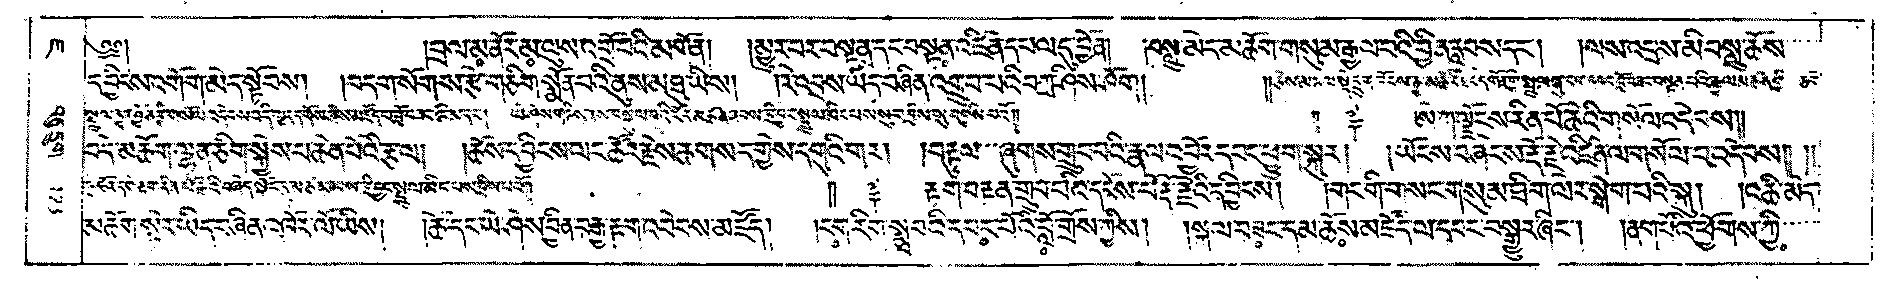༄༅། །བྲལ་མ་ནོར་མ་ལུས་འགྲོ་བའི་མགོན། །མྱུར་བར་བསྟན་དང་བསྟན་འཛིན་དཔལ་དུ་བྱོན། །བསླུ་མེད་མཆོག་གསུམ་རྒྱལ་བའི་བྱིན་རླབས་དང་། །ལས་འབྲས་མི་བསླུ་ཆོས་
དབྱིངས་འགོག་མེད་སྟོབས། །བདག་སོགས་རྩེ་གཅིག་སྨོན་པའི་ནུས་མཐུ་ཡིས། །རེ་འབྲས་ཡིད་བཞིན་འགྲུབ་པའི་བཀྲ་ཤིས་ཤོག ། །།ཅེས་མཉལ་སྡེ་དྲུག་ཁོངས་རྒྱ་མཚོ་རི་ཐང་དགོན་གྱི་སྤྲུལ་སྐུ་ངག་དབང་བློ་བཟང་བསྟན་པའི་རྒྱལ་མཚན་གྱི་
སྤྲུལ་མྱུར་བྱོན་གྱི་གསོལ་འདེབས་འདི་ལྟར་དགོས་ཞེས་མཛོད་པ་བློ་བཟང་ཉི་མ་དང་། ཡེ་ཤེས་གཉིས་ནས་བསྐུལ་བའི་ངོར་མཚན་ཞབས་ཁྲི་བྱང་སྤྲུལ་མིང་པས་སུག་བྲིས་སུ་བགྱིས་པའོ།། །། ༈ ཨེ་ཀ་ལྗོངས་རིན་པོ་ཆེའི་གསོལ་འདེབས། །
བདེ་མཆོག་ལྷན་ཅིག་སྐྱེས་པ་ཆེན་པོའི་རྩལ། །ཆོས་དབྱིངས་ལང་ཚོར་རྗེས་ཆགས་དགྱེས་དགུའི་གར། །བརྟུལ་ཞུགས་གྲུབ་པའི་རྣལ་འབྱོར་དབང་ཕྱུག་སྐུར། །ཡོངས་བཞེངས་རྡོ་རྗེ་འཛིན་ལ་གསོལ་བ་འདེབས།། །།
ཏྲེ་ཧོར་དགེ་རྟག་རིན་པོ་ཆེའི་བཞེད་སྐོང་དུ་མཚན་ཞབས་ཁྲི་བྱང་སྤྲུལ་མིང་པས་བྲིས་པའོ།།  །། ༈ རྟག་བརྟན་གྲུབ་པའི་དངོས་པོ་རྡོ་རྗེའི་དབྱིངས། །གང་གི་གསང་གསུམ་ཐིག་ལེར་སྒེག་པའི་སྐུ། །འཆི་མེད་
མཆོག་སྟེར་ཡིད་བཞིན་འཁོར་ལོ་ཡིས། །ཚེ་དང་ཡེ་ཤེས་བྱིན་བརྒྱ་རྟག་འབེབས་མཛོད། །ངག྾་རིག་སྨྲ་བའི་དབང྾་པོའི་བློ྾་གྲོས་ཀྱིས། །སྐལ་བཟང྾་དམ་ཆོས྾་མཛོད་ལ་དབང་བསྒྱུར་ཞིང་། །ནག་པོའི་ཕྱོགས་ཀྱི྾་